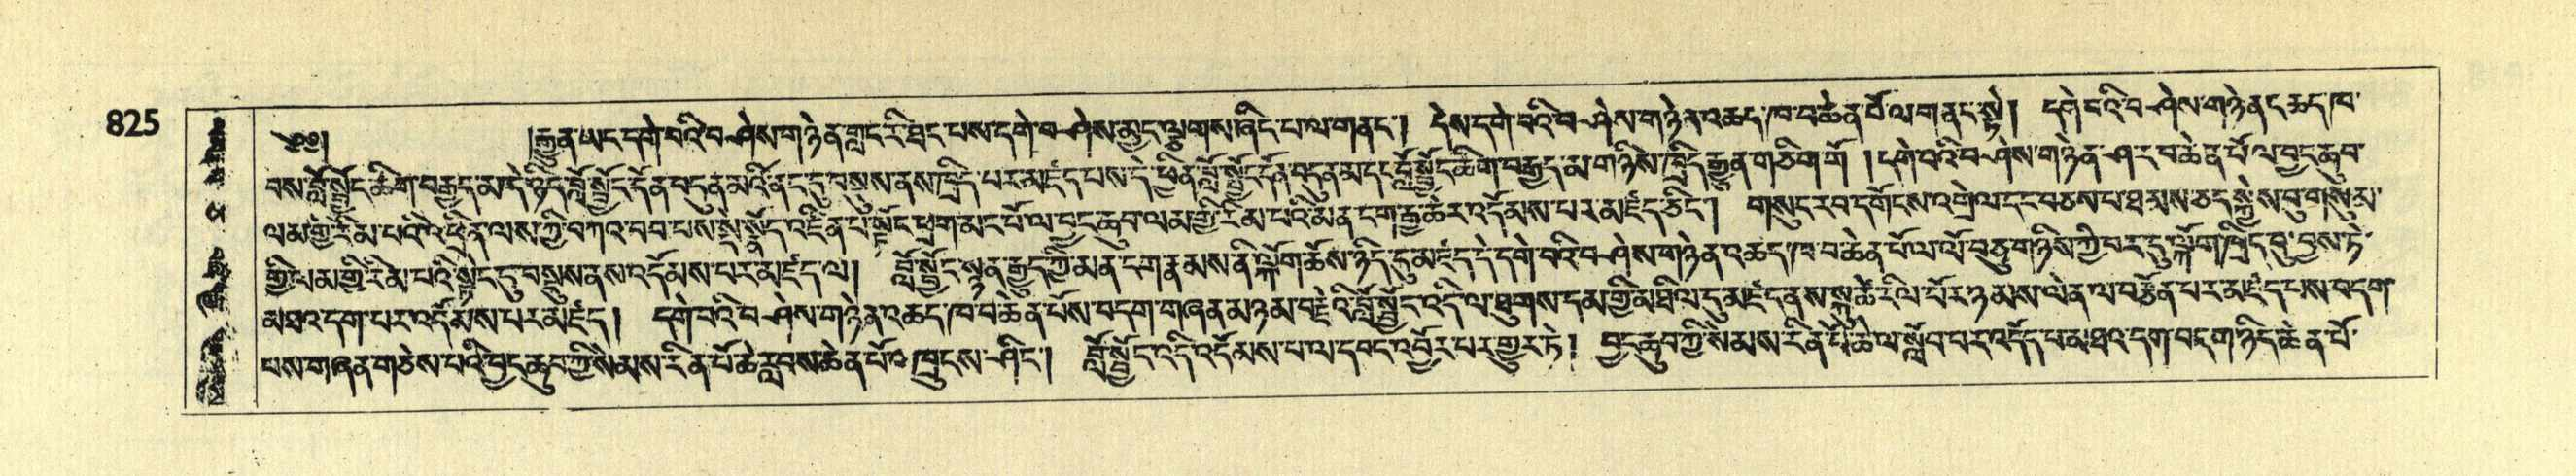༄༅། །རྒྱུན་ཡང་དགེ་བའི་བཤེས་གཉེན་གླང་རི་ཐང་པས་དགེ་བཤེས་མྱང་ལྕགས་ཞིང་པ་ལ་གནང་། དེས་དགེ་བའི་བཤེས་གཉེན་འཆད་ཁ་བ་ཆེན་པོ་ལ་གནང་སྟེ། དགེ་བའི་བཤེས་གཉེ་ནང་ཆད་ཁ་
བས་བློ་སྦྱོང་ཚིག་བརྒྱད་མ་དེ་ཉིད་བློ་སྦྱོང་དོན་བདུན་མའི་ནང་དུ་བསྡུས་ནས་ཁྲིད་པར་མཛད་པས་དེ་ཕྱིན་བློ་སྦྱོང་དོན་བདུན་མ་དང་བློ་སྦྱོང་ཚིག་བརྒྱད་མ་གཉིས་ཁྲིད་རྒྱུད་གཅིག་གོ །དགེ་བའི་བཤེས་གཉེན་ཤ་རབ་ཆེན་པོ་ལ་བྱང་ཆུབ་
ལམ་གྱི་རིམ་པའི་འཕྲིན་ལས་ཀྱི་བཀའ་བབ་པས་སྡེ་སྣོད་འཛིན་པ་སྟོང་ཕྲག་མང་པོ་ལ་བྱང་ཆུབ་ལམ་གྱི་རིམ་པའི་མན་ངག་རྒྱ་ཆེར་འདོམས་པར་མཛད་ཅིང་། གསུང་རབ་དགོངས་འགྲེལ་དང་བཅས་པ་ཐམས་ཅད་སྐྱེས་བུ་གསུམ་
གྱི་ལམ་གྱི་རིམ་པའི་སྟེང་དུ་བསྡུས་ནས་འདོམས་པར་མཛད་ལ། བློ་སྦྱོང་སྙན་རྒྱུད་ཀྱི་མན་ངག་རྣམས་ནི་ལྐོག་ཆོས་ཉིད་དུ་མཛད་དེ་དགེ་བའི་བཤེས་གཉེན་འཆད་ཁ་པ་ཆེན་པོ་ལ་ལོ་བཅུ་གཉིས་ཀྱི་བར་དུ་ལྐོག་ཁྲིད་བུ་བྱས་ཏེ་
མཐའ་དག་པར་འདོམས་པར་མཛད། དགེ་བའི་བཤེས་གཉེན་འཆད་ཁ་བ་ཆེན་པོས་བདག་གཞན་མཉམ་བརྗེའི་བློ་སྦྱོང་འདི་ལ་ཐུགས་དམ་གྱི་མཐིལ་དུ་མཛད་ནས་སྐུ་ཚེ་རིལ་པོར་ཉམས་ལེན་ལ་བརྩོན་པར་མཛད་པས་བདག་
པས་གཞན་གཅེས་པའི་བྱང་ཆུབ་ཀྱི་སེམས་རིན་པོ་ཆེ་རླབས་ཆེན་པོ་འཁྲུངས་ཤིང་། བློ་སྦྱོང་འདི་འདོམས་པ་ལ་དབང་འབྱོར་པར་གྱུར་ཏེ། བྱང་ཆུབ་ཀྱི་སེམས་རིན་པོ་ཆེ་ལ་སློབ་བར་འདོད་པ་མཐའ་དག་བདག་ཉིད་ཆེན་པོ་